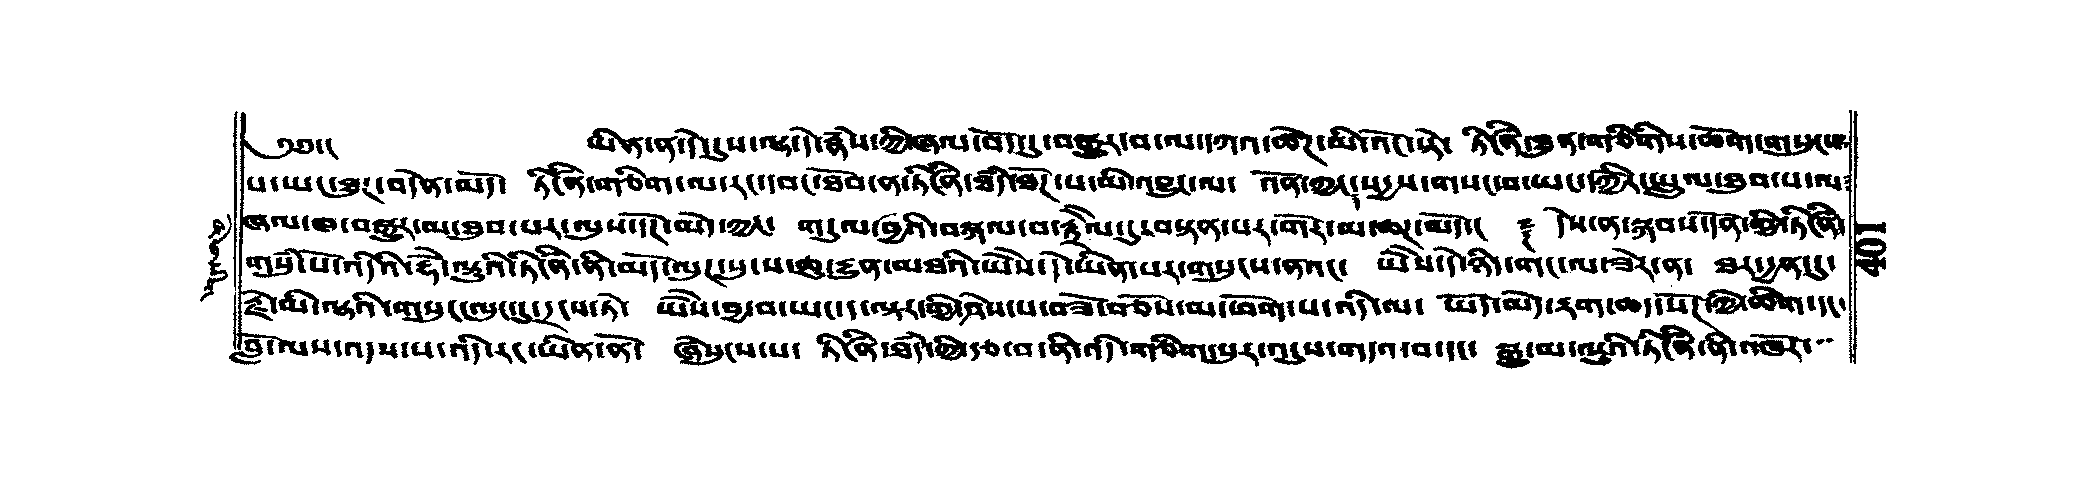ཡིན་ན་དེ་དུས་ལྷ་དེ་རྣམས་ཀྱི་ཞལ་བོད་དུ་བསྒྱུར་བ་ལ་དཀའ་ཚེགས་མི་འོང་སྟེ། ཏིང་འཛིན་ཐུན་གཅིག་གིས་ཆོག་གསུངས་
པ་ཡང་ཐུགས་བདེན་མོད། ཏིང་འཛིན་གཅིག་ལ་རང་དབང་ཐོབ་ན་ཏིང་འཛིན་ཐམས་ཅད་ཐོགས་པ་མི་འབྱུུང་ལ། འོན་ཀྱང་། སངས་རྒྱས་གསང་བ་ཡང་དཀྱིལ་འཁོར་སྤྲུལ་ཐུབ་པ་ལ་
ཞལ་ཁ་བསྒྱུར་མ་ཐུབ་པར་ལུས་དོགས་མེད་ཀྱང་། གདུལ་བྱའི་བསྐལ་བརྟེན་འབྲེལ་དུ་བསྟན་པར་གོར་མ་ཆགས་མོད། དེས་ན་སྐབས་དོན་གྱི་ཏིང་འཛིན་
གསུམ་པོ་འདིའི་རྡོ་རྗེ་ལྟ་བུའི་ཏིང་འཛིན་ནི་མདོ་ལུགས་སུ་ས་བཅུའི་རྒྱུན་མཐའི་ཡེ་ཤེས་དེ་ཡིན་པར་གསུངས་ནའང་། ཡེ་ཤེས་དེ་ཉིད་གང་ལ་ཟེར་ན། ཐར་རྒྱན་དུ་
རྗེ་མི་ལྷའི་གསུང་ལུང་དུ་དྲངས་ཏེ། ཡེ་ཤེས་བྱ་བ་ཡང་ད་ལྟར་གྱི་ཤེས་པ་བཟོ་བཅོས་མ་ཕོག་པ་འདི་ལ། ཡོད་མེད་རྟག་ཆད་སོགས་ཀྱི་ཚིག་དང་
བློ་ལས་འདས་པ་འདི་རང་ཡིན་ནོ། ཞེས་གསུངས་པ། ཏིང་འཛིན་ཐམས་ཅད་ཀྱི་རྩ་བ་ནི་འདི་གཅིག་པུར་འདུས་གདའ་བ་དང་། སྒྱུ་མ་ལྟ་བུའི་ཏིང་འཛིན་ནི་འཁོར་